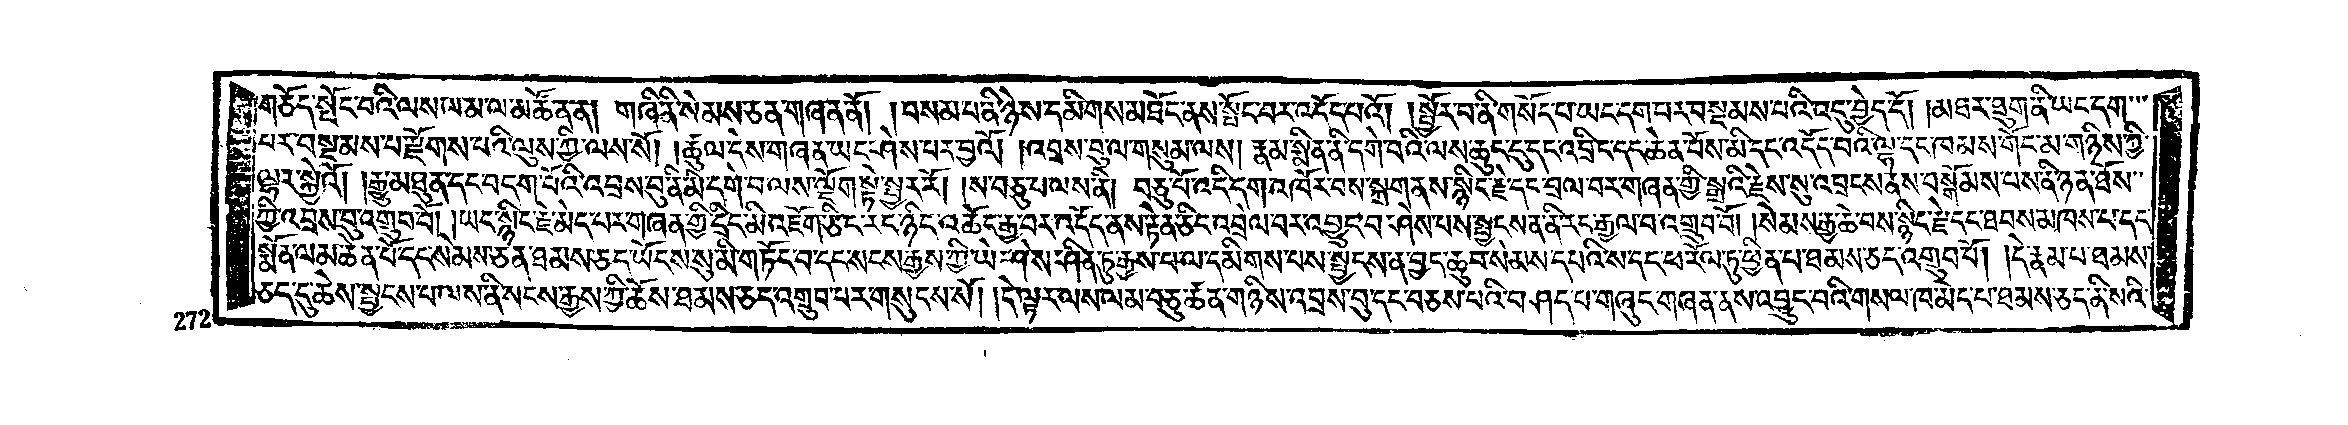གཅོད་སྤོང་བའི་ལས་ལམ་ལ་མཚོན་ན། གཞི་ནི་སེམས་ཅན་གཞན་ནོ། །བསམ་པ་ནི་ཉེས་དམིགས་མཐོང་ནས་སྤོང་བར་འདོད་པའོ། །སྦྱོར་བ་ནི་གསོད་པ་ཡང་དག་པར་བསྡམས་པའི་འདུ་བྱེད་དོ། །མཐར་ཐུག་ནི་ཡང་དག་
པར་བསྡམས་པ་རྫོགས་པའི་ལུས་ཀྱི་ལས་སོ། །ཚུལ་དེས་གཞན་ཡང་ཤེས་པར་བྱའོ། །འབྲས་བུ་ལ་གསུམ་ལས། རྣམ་སྨིན་ནི་དགེ་བའི་ལས་ཆུང་ངུ་དང་འབྲིང་དང་ཆེན་པོས་མི་དང་འདོད་པའི་ལྷ་དང་ཁམས་གོང་མ་གཉིས་ཀྱི་
ལྷར་སྐྱེའོ། །རྒྱུ་མཐུན་དང་བདག་པོའི་འབྲས་བུ་ནི་མི་དགེ་བ་ལས་ལྡོག་སྟེ་སྦྱར་རོ། །ས་བཅུ་པ་ལས་ནི། བཅུ་པོ་འདི་དག་འཁོར་བས་སྐྲག་ནས་སྙིང་རྗེ་དང་བྲལ་བར་གཞན་གྱི་སྒྲའི་རྗེས་སུ་འབྲངས་ནས་བསྒོམས་པས་ནི་ཉན་ཐོས་
ཀྱི་འབྲས་བུ་འགྲུབ་བོ། །ཡང་སྙིང་རྗེ་མེད་པར་གཞན་གྱི་དྲིང་མི་འཇོག་ཅིང་རང་ཉིད་འཚང་རྒྱ་བར་འདོད་ནས་རྟེན་ཅིང་འབྲེལ་བར་འབྱུང་བ་ཤེས་པས་སྦྱངས་ན་ནི་རང་རྒྱལ་བ་འགྲུབ་བོ། །སེམས་རྒྱ་ཆེ་བས་སྙིང་རྗེ་དང་ཐབས་མཁས་པ་དང་
སྨོན་ལམ་ཆེན་པོ་དང་སེམས་ཅན་ཐམས་ཅད་ཡོངས་སུ་མི་གཏོང་བ་དང་སངས་རྒྱས་ཀྱི་ཡེ་ཤེས་ཤིན་ཏུ་རྒྱས་པ་ལ་དམིགས་པས་སྦྱངས་ན་བྱང་ཆུབ་སེམས་དཔའི་ས་དང་ཕ་རོལ་ཏུ་ཕྱིན་པ་ཐམས་ཅད་འགྲུབ་བོ། །དེ་རྣམ་པ་ཐམས་
ཅད་དུ་ཆེས་སྦྱངས་པ་ལས་ནི་སངས་རྒྱས་ཀྱི་ཆོས་ཐམས་ཅད་འགྲུབ་པར་གསུངས་སོ། །དེ་ལྟར་ལས་ལམ་བཅུ་ཚན་གཉིས་འབྲས་བུ་དང་བཅས་པའི་བཤད་པ་གཞུང་གཞན་ནས་འབྱུང་བའི་གསལ་ཁ་མེད་པ་ཐམས་ཅད་ནི་སའི་